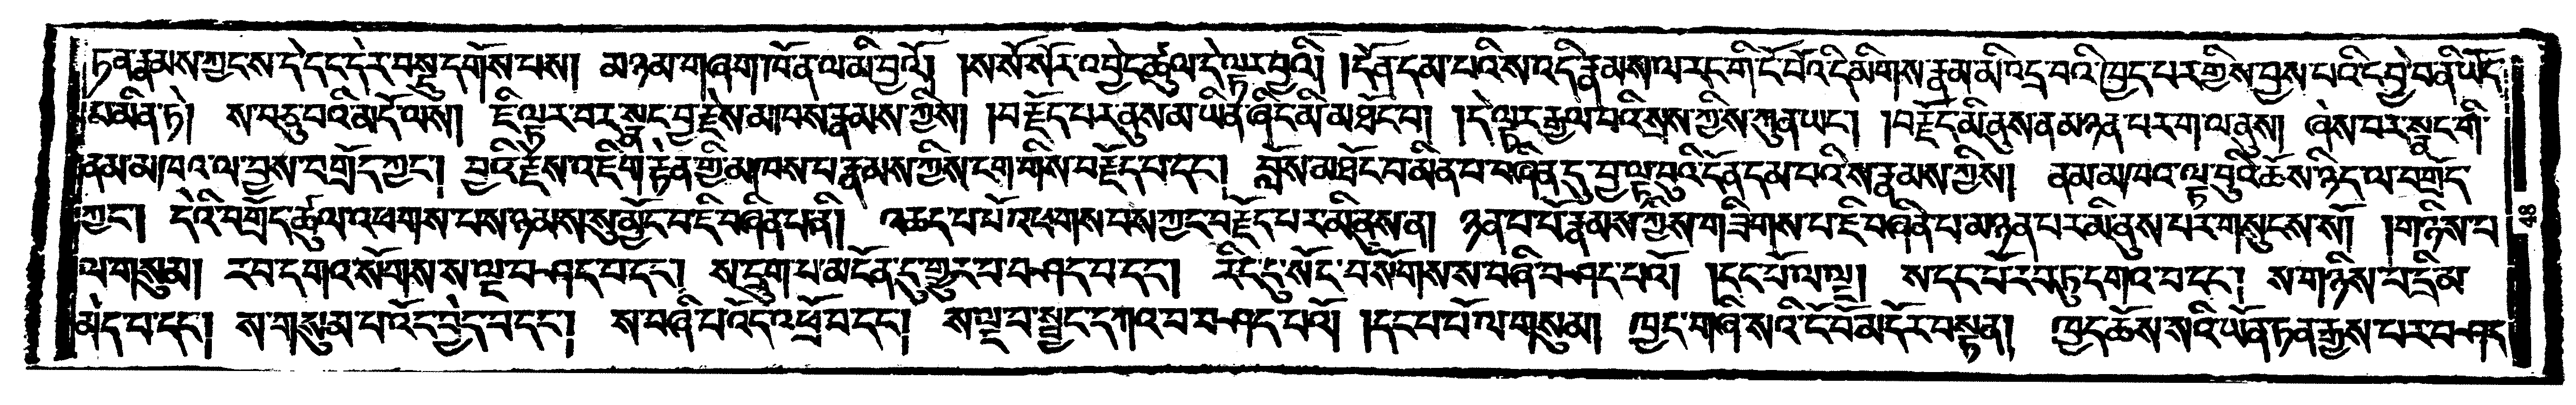ཏན་རྣམས་ཀྱང་ས་དེ་དང་དེར་བསྡུ་དགོས་པས། མཉམ་གཞག་ཁོ་ན་ལ་མི་བྱའོ། །ས་སོ་སོར་འབྱེད་ཚུལ་དེ་ལྟར་བྱའི། དོན་དམ་པའི་ས་འདི་རྣམས་ལ་རང་གི་ངོ་བོའི་དམིགས་རྣམ་མི་འདྲ་བའི་ཁྱད་པར་གྱིས་བྱས་པའི་དབྱེ་བ་ནི་ཡོད་
པ་མིན་ཏེ། ས་བཅུ་པའི་མདོ་ལས། ཇི་ལྟར་བར་སྣང་བྱ་རྗེས་མཁས་རྣམས་ཀྱིས། །བརྗོད་པར་ནུས་མ་ཡིན་ཞིང་མི་མཐོང་བ། །དེ་ལྟར་རྒྱལ་བའི་སྲས་ཀྱི་ས་ཀུན་ཡང་། །བརྗོད་མི་ནུས་ན་མཉན་པར་ག་ལ་ནུས། ཞེས་བར་སྣང་གི་
ནམ་མཁའ་ལ་བྱས་བགྲོད་ཀྱང་། བྱའི་རྗེས་འཇིག་རྟེན་གྱི་མཁས་པ་རྣམས་ཀྱིས་ངག་གིས་བརྗོད་པ་དང་། བློས་མཐོང་བ་མིན་པ་བཞིན་དུ་བྱ་ལྟ་བུའི་དོན་དམ་པའི་ས་རྣམས་ཀྱིས། །ནམ་མཁའ་ལྟ་བུའི་ཆོས་ཉིད་ལ་བགྲོད་
ཀྱང་། དེའི་བགྲོད་ཚུལ་འཕགས་པས་ཉམས་སུ་མྱོང་བ་ཇི་བཞིན་པ་ནི། འཆད་པ་པོ་འཕགས་པས་ཀྱང་བརྗོད་པར་མི་ནུས་ན། ཉན་པ་པོ་རྣམས་ཀྱིས་གཟིགས་པ་ཇི་བཞིན་པ་མཉན་པར་མི་ནུས་པར་གསུངས་སོ། །གཉིས་པ་
ལ་གསུམ། རབ་དགའ་སོགས་ས་ལྔ་བཤད་པ་དང་། ས་དྲུག་པ་མངོན་དུ་གྱུར་པ་བཤད་པ་དང་། རིང་དུ་སོང་བ་སོགས་ས་བཞི་བཤད་པའོ། །དང་པོ་ལ་ལྔ། ས་དང་པོ་རབ་ཏུ་དགའ་བ་དང་། ས་གཉིས་པ་དྲི་མ་
མེད་པ་དང་། ས་གསུམ་པ་འོད་བྱེད་པ་དང་། ས་བཞི་པ་འོད་འཕྲོ་བ་དང་། ས་ལྔ་པ་སྦྱང་དཀའ་བ་བཤད་པའོ། །དང་པོ་ལ་གསུམ། ཁྱད་གཞི་སའི་ངོ་བོ་མདོར་བསྟན། ཁྱད་ཆོས་སའི་ཡོན་ཏན་རྒྱས་པར་བཤད།